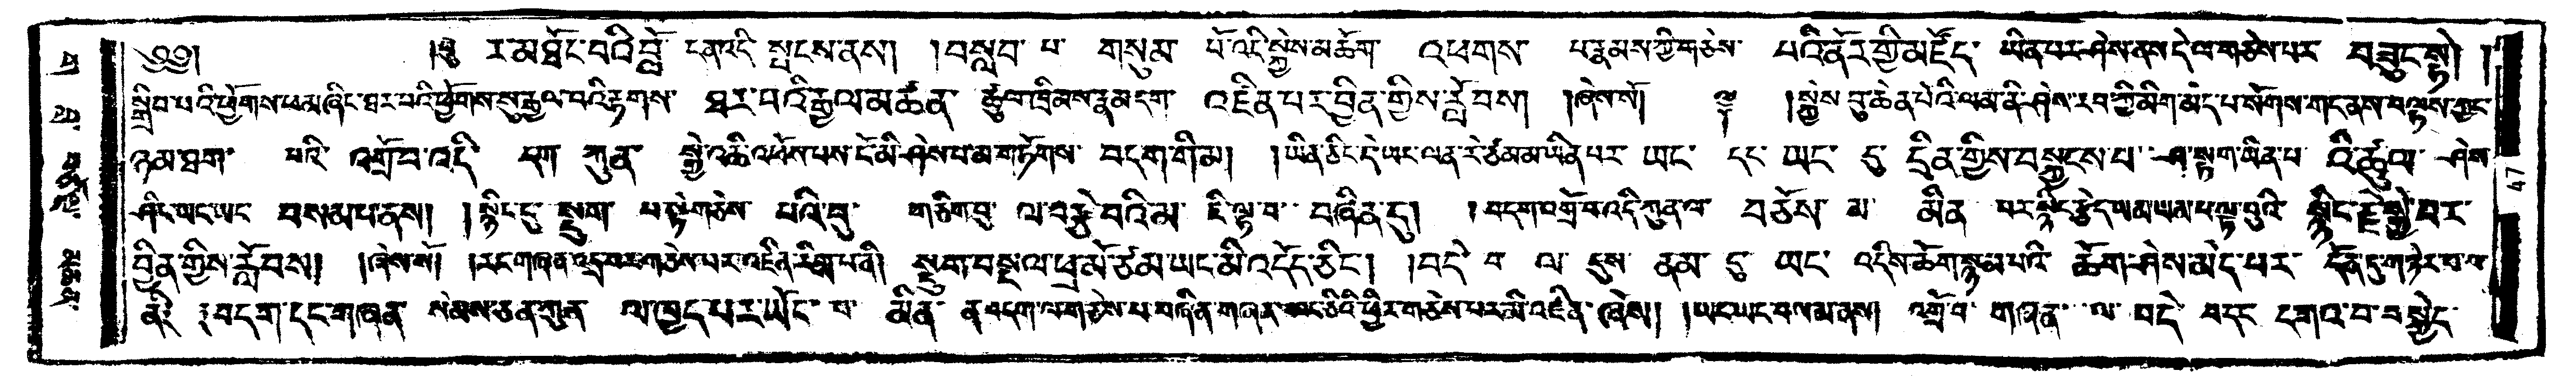༄༅། །བུར་མཐོང་བའི་བློ་ངན་འདི་སྤངས་ནས། །བསླབ་པ་གསུམ་པོ་འདི་སྐྱེས་མཆོག་འཕགས་པ་རྣམས་ཀྱི་གཅེས་པའི་ནོར་གྱི་མཛོད་ཡིན་པར་ཤེས་ནས་དེ་ལ་གཅེས་པར་བཟུང་སྟེ། །
སྒྲིབ་པའི་ཕྱོགས་ཕམ་ཞིང་ཐར་པའི་ཕྱོགས་སུ་རྒྱལ་བའི་རྟགས་ཐར་བའི་རྒྱལ་མཚན་ཚུལ་ཁྲིམས་རྣམ་དག་འཛིན་པར་བྱིན་གྱིས་རློབས། །ཞེས་སོ། ༈ །སྐྱེས་བུ་ཆེན་པོའི་ལམ་ནི་ཤེས་རབ་ཀྱི་མིག་མེད་པ་སོགས་གང་ནས་བལྟས་ཀྱང་
ཉམ་ཐག་པའི་འགྲོ་བ་འདི་དག་ཀུན་སྐྱེ་འཆི་འཕོས་པས་ངོ་མི་ཤེས་པ་མ་གཏོགས་བདག་གི་མ། །ཡིན་ཅིང་དེ་ཡང་ལན་རེ་ཙམ་མ་ཡིན་པར་ཡང་དང་ཡང་དུ་དྲིན་གྱིས་བསྐྱངས་པ་ཤ་སྟག་ཡིན་པའི་ཚུལ་ཤེས་
ཤིང་ཡང་ཡང་བསམ་པ་ནས། །སྙིང་དུ་སྡུག་པ་སྟེ་གཅེས་པའི་བུ་གཅིག་བུ་ལ་བརྩེ་བའི་མ་ཇི་ལྟ་བ་བཞིན་དུ། །བདག་འགྲོ་བ་འདི་ཀུན་ལ་བཅོས་མ་མིན་པར་སྙིང་རྩེད་ཡམ་ཡམ་པ་ལྟ་བུའི་སྙིང་རྗེ་སྐྱེ་བར་
བྱིན་གྱིས་རློབས། །ཞེས་སོ། །རང་གཞན་འདྲ་བར་གཅེས་པར་འཛིན་རིགས་པ་ནི། སྡུག་བསྔལ་ཕྲ་མོ་ཙམ་ཡང་མི་འདོད་ཅིང་། །བདེ་བ་ལ་དུས་ནམ་དུ་ཡང་འདིས་ཆོག་སྙམ་པའི་ཆོག་ཤེས་མེད་པར་དོན་དུ་གཉེར་བ་ལ་
ནི༑ ༑བདག་དང་གཞན་སེམས་ཅན་ཀུན་ལ་ཁྱད་པར་ཡོད་པ་མིན་ན་བདག་ལ་གཅེས་པ་བཞིན་གཞན་ཡང་ཅིའི་ཕྱིར་གཅེས་པར་མི་འཛིན་ཞེས། །ཡང་ཡང་བསམ་ནས། འགྲོ་བ་གཞན་ལ་བདེ་བ་དང་དགའ་བ་བསྐྱེད་